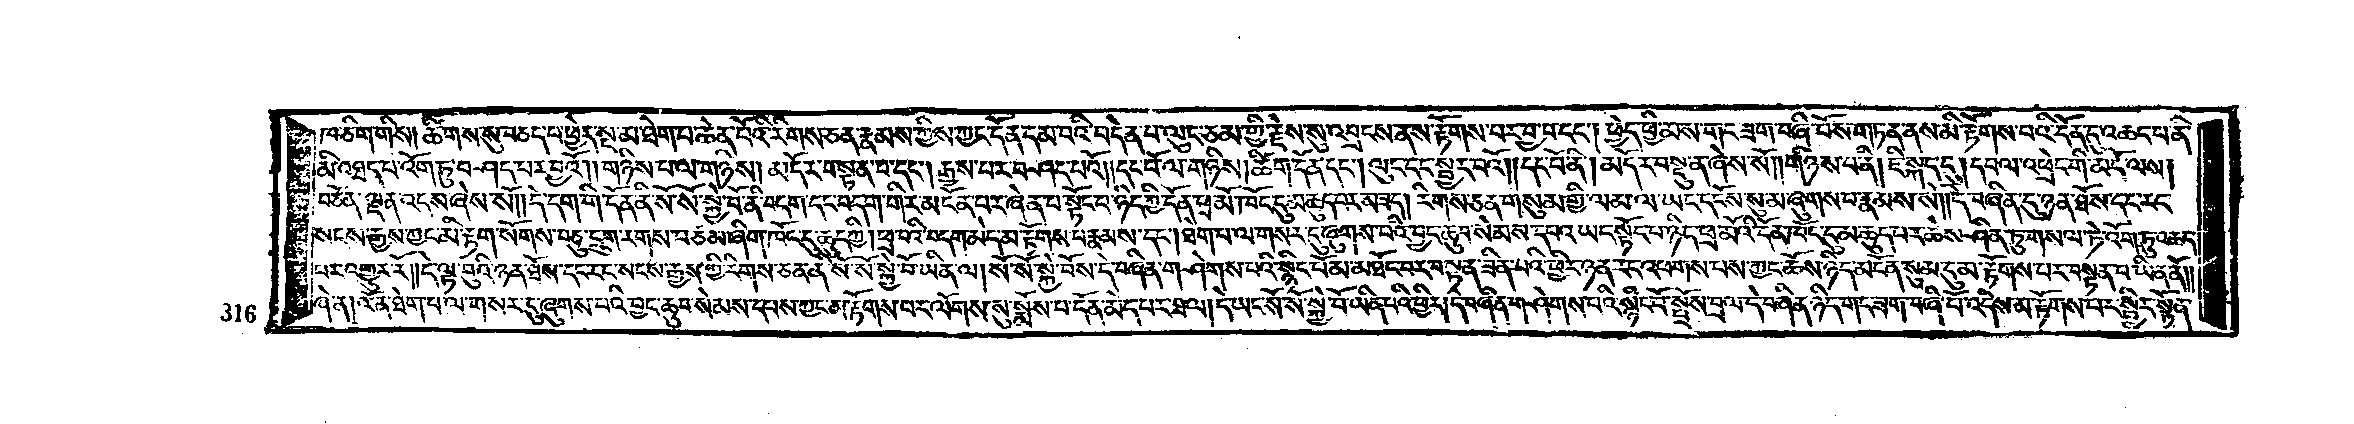ཁ་ཅིག་གིས། ཚིགས་སུ་བཅད་པ་ཕྱེར་སྔ་མ་ཐེག་པ་ཆེན་པོའི་རིགས་ཅན་རྣམས་ཀྱིས་ཀྱང་དོན་དམ་པའི་བདེན་པ་ལུང་ཙམ་གྱི་རྗེས་སུ་འབྲངས་ནས་རྟོགས་པར་བྱ་བ་དང་། ཕྱེད་ཕྱི་མས་གང་ཟག་བཞི་པོས་གཏན་ནས་མི་རྟོགས་པའི་དོན་དུ་འཆད་པ་ནི་
མི་འཐད་པ་འོག་ཏུ་བཤད་པར་བྱའོ། །གཉིས་པ་ལ་གཉིས། མདོར་བསྟན་པ་དང་། རྒྱས་པར་བཤད་པའོ། །དང་པོ་ལ་གཉིས། ཚིག་དོན་དང་། ལུང་དང་སྦྱར་བའོ། །དང་པོ་ནི། མདོར་བསྡུ་ན་ཞེས་སོ། །གཉིས་པ་ནི། ཇི་སྐད་དུ། དཔལ་འཕྲེང་གི་མདོ་ལས།
བཅོམ་ལྡན་འདས་ཞེས་སོ། །དེ་དག་གི་དོན་ནི་སོ་སོ་སྐྱེ་བོ་ནི་བདག་དང་བདག་གིར་མངོན་པར་ཞེན་པ་སྟོང་པ་ཉིད་ཀྱི་དོན་ཕྲ་མོ་ཁོང་དུ་མ་ཆུད་པར་མ་ཟད། རིགས་ཅན་གསུམ་གྱི་ལམ་ལ་ཡང་དངོས་སུ་མ་ཞུགས་པ་རྣམས་སོ། །དེ་བཞིན་དུ་ཉན་ཐོས་དང་། རང་
སངས་རྒྱས་ཀྱང་མི་རྟག་སོགས་བཅུ་དྲུག་རགས་པ་ཙམ་ཞིག་ཁོང་དུ་ཆུད་ཀྱི། ཕྲ་བའི་བདག་མེད་མ་རྟོགས་པ་རྣམས་དང་། ཐེག་པ་ལ་གསར་དུ་ཞུགས་པའི་བྱང་ཆུབ་སེམས་དཔའ་ཡང་སྟོང་པ་ཉིད་ཕྲ་མོའི་དོན་ཁོང་དུ་མ་ཆུད་པར་ཆེས་ཤིན་ཏུ་གསལ་ཏེ་འོག་ཏུ་འཆད་
པར་འགྱུར་རོ། །དེ་ལྟ་བུའི་ཉན་ཐོས་དང་རང་སངས་རྒྱས་ཀྱི་རིགས་ཅན་ནི་སོ་སོ་སྐྱེ་བོ་ཡིན་ལ། སོ་སོ་སྐྱེ་བོས་དེ་བཞིན་གཤེགས་པའི་སྙིང་པོ་མ་མཐོང་བར་བསྟན་ཟིན་པའི་ཕྱིར་ཉན་རང་འཕགས་པས་ཀྱང་ཆོས་ཉིད་མངོན་སུམ་དུ་མ་རྟོགས་པར་བསྟན་པ་ཡིན་ནོ། །
ཞེ་ན། འོ་ན་ཐེག་པ་ལ་གསར་དུ་ཞུགས་པའི་བྱང་ཆུབ་སེམས་དཔས་ཀྱང་མ་རྟོགས་པར་ལོགས་སུ་སྨོས་པ་དོན་མེད་པར་ཐལ། དེ་ཡང་སོ་སོ་སྐྱེ་བོ་ཡིན་པའི་ཕྱིར། དེ་བཞིན་གཤེགས་པའི་སྙིང་པོ་སྤྲོས་བྲལ་དེ་བཞིན་ཉིད་གང་ཟག་བཞི་པོ་འདིས་མ་རྟོགས་པར་སྤྱིར་སྟོན་